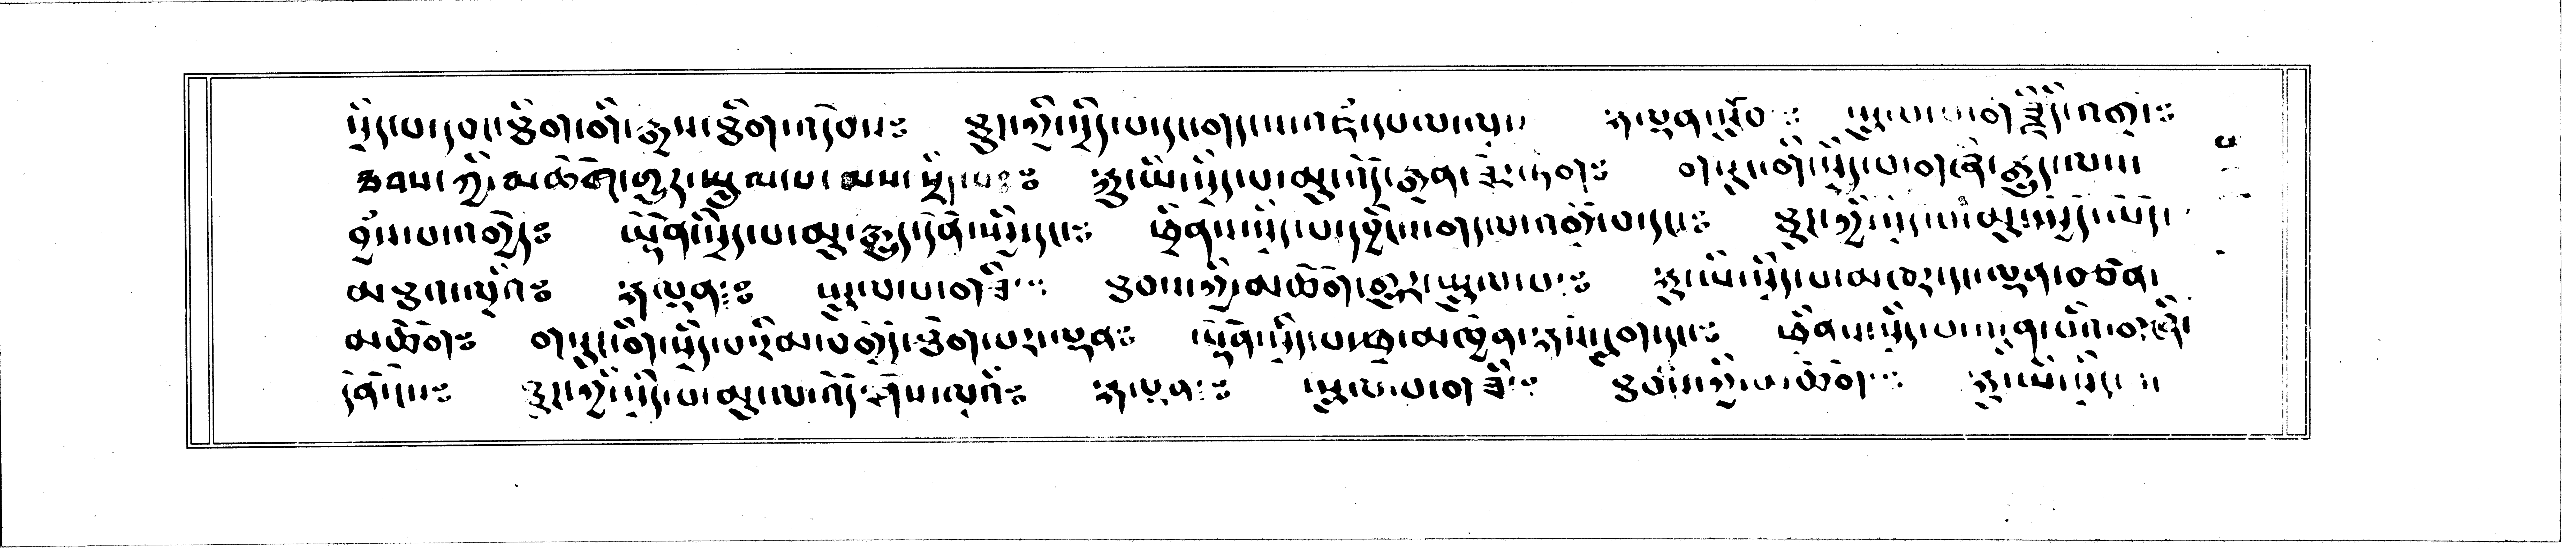སྲིད་པ་དབང་ཐིག་རྒྱས་ཐིག་འདེབསཿ ཐུགས་ཀྱི་སྲིད་པ་དང་གདང་འཇམ་དཔལ་ལྔསཿ སྐལ་ལྡན་སློབ་མ་རྣམས་ལ་དབང་བསྐུར་བསཿ 
ཐུགས་རྗེ་གཟི་བརྗིད་འགྲོ་འདྲེན་དབང་ཐོབ་ཤོགཿ ཐབས་ཀྱི་མཆོག་གྱུར་སྤྲུལ་པ་ལས་སྲིད་པའིཿ སྐུ་ཡི་སྲིད་པ་མུ་འོད་རྒྱན་ཟེར་ཏིགཿ གསུང་གི་སྲིད་པ་གཞི་རྒྱུད་ལས་
བྱམས་པ་འགྱེདཿ ཡོན་ཏན་སྲིད་པ་མུ་རྒྱུང་དོན་སྤྱིཿ ཕྲིན་ལས་ཀྱི་སྲིད་པ་དབྱིངས་བདལ་འགྲོ་འདུལཿ ཐུགས་ཀྱི་སྲིད་པ་མུ་སྤྱོད་ཡོད་
མཐའ་ལྔསཿ སྐལ་ལྡན་སློབ་མ་རྣམས་ལ་དབང་བསྐུར་བསཿ ཐུགས་རྗེ་གཟི་བརྗིད་འགྲོ་འདྲེན་དབང་ཐོབ་ཤོགཿ ཐབས་ཀྱི་མཆོག་གྱུར་སྤྲུལ་པ་ལས་སྲིད་པའིཿ སྐུ་ཡི་སྲིད་པ་མཁར་དང་ལྡན་བཙན་
མཆོགཿ གསུང་གི་སྲིད་པ་རིམ་བགྲོད་ཐེག་པ་ལྡནཿ ཡོན་ཏན་སྲིད་པ་ཕྲ་མཁྱེན་སྐོས་དྲུག་དངཿ ཕྲིན་ལས་སྲིད་པ་འདུན་པ་གཞི་
དོན་ངེསཿ ཐུགས་ཀྱི་སྲིད་པ་མུ་ལ་འོད་ཤེས་ལྔའིཿ སྐལ་ལྡན་སློབ་མ་རྣམས་ལ་དབང་བསྐུར་བསཿ ཐུགས་རྗེ་གཟི་བརྗིད་འགྲོ་འདྲེན་དབང་ཐོབ་ཤོགཿ ཐབས་ཀྱི་མཆོག་གྱུར་སྤྲུལ་པ་ལས་སྲིད་པའིཿ སྐུ་ཡི་སྲིད་པ་